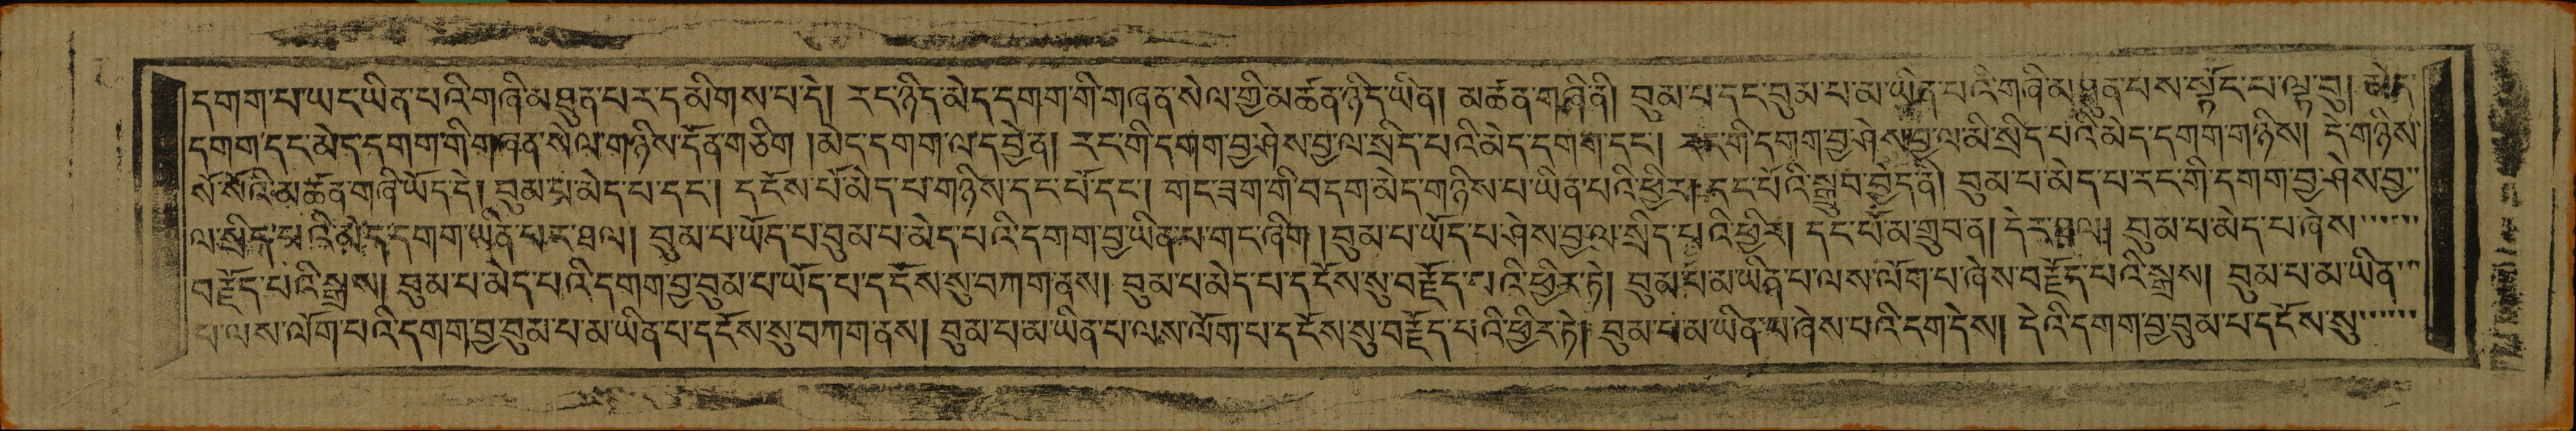དགག་པ་ཡང་ཡིན་པའི་གཞི་མཐུན་པར་དམིགས་པ་དེ། རང་ཉིད་མེད་དགག་གི་གཞན་སེལ་གྱི་མཚན་ཉིད་ཡིན། མཚན་གཞི་ནི། བུམ་པ་དང་བུམ་པ་མ་ཡིན་པའི་གཞི་མཐུན་པས་སྟོང་པ་ལྟ་བུ། མེད་
དགག་དང་མེད་དགག་གི་གཞན་སེལ་གཉིས་དོན་གཅིག །མེད་དགག་ལ་དབྱེ་ན། རང་གི་དགག་བྱ་ཤེས་བྱ་ལ་སྲིད་པའི་མེད་དགག་དང་། རང་གི་དགག་བྱ་ཤེས་བྱ་ལ་མི་སྲིད་པའི་མེད་དགག་གཉིས། དེ་གཉིས་
སོ་སོའི་མཚན་གཞི་ཡོད་དེ། བུམ་པ་མེད་པ་དང་། དངོས་པོ་མེད་པ་གཉིས་དང་པོ་དང་། གང་ཟག་གི་བདག་མེད་གཉིས་པ་ཡིན་པའི་ཕྱིར། དང་པོའི་སྒྲུབ་བྱེད་ནི། བུམ་པ་མེད་པ་རང་གི་དགག་བྱ་ཤེས་བྱ་
ལ་སྲིད་པའི་མེད་དགག་ཡིན་པར་ཐལ། བུམ་པ་ཡོད་པ་བུམ་པ་མེད་པའི་དགག་བྱ་ཡིན་པ་གང་ཞིག །བུམ་པ་ཡོད་པ་ཤེས་བྱ་ལ་སྲིད་པའི་ཕྱིར། དང་པོ་མ་གྲུབ་ན། དེར་ཐལ། བུམ་པ་མེད་པ་ཞེས་
བརྗོད་པའི་སྒྲས། བུམ་པ་མེད་པའི་དགག་བྱ་བུམ་པ་ཡོད་པ་དངོས་སུ་བཀག་ནས། བུམ་པ་མེད་པ་དངོས་སུ་བརྗོད་པའི་ཕྱིར་ཏེ། བུམ་པ་མ་ཡིན་པ་ལས་ལོག་པ་ཞེས་བརྗོད་པའི་སྒྲས། བུམ་པ་མ་ཡིན་
པ་ལས་ལོག་པའི་དགག་བྱ་བུམ་པ་མ་ཡིན་པ་དངོས་སུ་བཀག་ནས། བུམ་པ་མ་ཡིན་པ་ལས་ལོག་པ་དངོས་སུ་བརྗོད་པའི་ཕྱིར་ཏེ། བུམ་པ་མ་ཡིན་པ་ཞེས་པའི་ངག་དེས། དེའི་དགག་བྱ་བུམ་པ་དངོས་སུ་